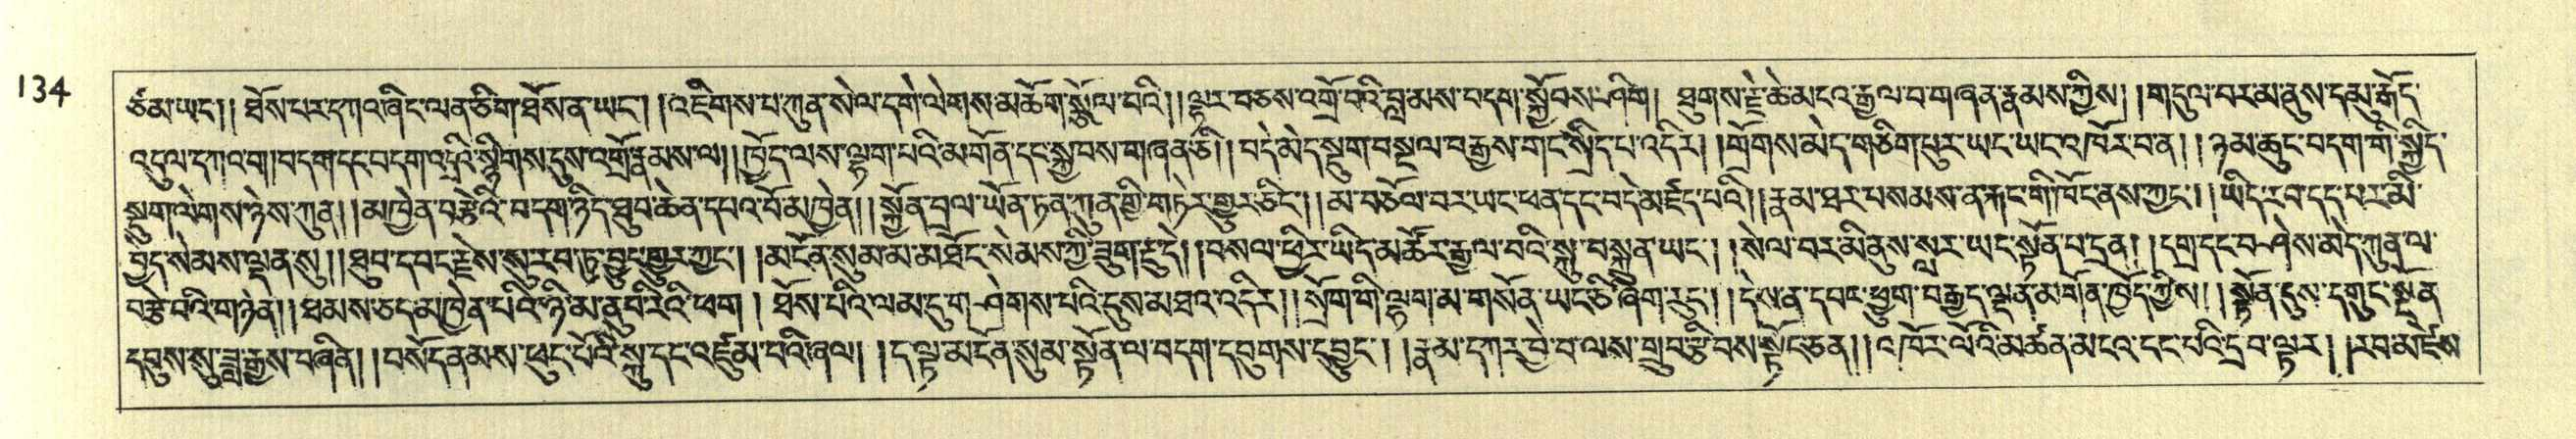ཙམ་ཡང་། །ཐོས་པར་དཀའ་ཞིང་ལན་ཅིག་ཐོས་ན་ཡང་། འཇིགས་པ་ཀུན་སེལ་དགེ་ལེགས་མཆོག་སྩོལ་བའི། །ལྷར་བཅས་འགྲོ་བའི་བླ་མས་བདག་སྐྱོབས་ཤིག །ཐུགས་རྗེ་ཆེ་མངའ་རྒྱལ་བ་གཞན་རྣམས་ཀྱིས། །གདུལ་བར་མ་ནུས་དམུ་རྒོད་
འདུལ་དཀའ་བ། །བདག་དང་བདག་འདྲའི་སྙིགས་དུས་འགྲོ་རྣམས་ལ། །ཁྱོད་ལས་ལྷག་པའི་མགོན་དང་སྐྱབས་གཞན་ཅི། །བདེ་མེད་སྡུག་བསྔལ་བརྒྱས་གང་སྲིད་པ་འདིར། །གྲོགས་མེད་གཅིག་པུར་ཡང་ཡང་འཁོར་བ་ན། །ཉམ་ཆུང་བདག་གི་སྐྱིད་
སྡུག་ལེགས་ཉེས་ཀུན། །མཁྱེན་བརྩེའི་བདག་ཉིད་ཐུབ་ཆེན་དཔའ་བོ་མཁྱེན། །སྐྱོན་བྲལ་ཡོན་ཏན་ཀུན་གྱི་གཏེར་གྱུར་ཅིང་། །མ་བཅོལ་བར་ཡང་ཕན་དང་བདེ་མཛད་པའི། །རྣམ་ཐར་བསམས་ན་རྐང་གི་ཁོང་ནས་ཀྱང་། །ཡིད་རབ་དད་པར་མི་
བྱེད་སེམས་ལྡན་སུ། །ཐུབ་དབང་རྗེས་སུ་རབ་ཏུ་བྱུང་གྱུར་ཀྱང་། །མངོན་སུམ་མ་མཐོང་སེམས་ཀྱི་ཟུག་རྡུ་དེ། །བསལ་ཕྱིར་ཡིད་མཚོར་རྒྱལ་བའི་སྐུ་བསྐྲུན་ཡང་། །སེལ་བར་མི་ནུས་སླར་ཡང་སྟོན་པ་དྲན། །དགྲ་དང་བཤེས་མེད་ཀུན་ལ་
བརྩེ་བའི་གཉེན། །ཐམས་ཅད་མཁྱེན་པའི་ཉི་མ་ནུབ་རིའི་ཕག། ཐོས་པའི་ལམ་དུ་གཤེགས་པའི་དུས་མཐའ་འདིར། །སྲོག་གི་ལྷག་མ་གསོན་ཡང་ཅི་ཞིག་རུང་། །དེས་ན་དབང་ཕྱུག་བརྒྱད་ལྡན་མགོན་ཁྱོད་ཀྱིས། །སྟོན་དུས་དགུང་སྔོན་
དབུས་སུ་ཟླ་རྒྱས་བཞིན། །བསོད་ནམས་ཕུང་པོའི་སྐུ་དང་འཛུམ་པའི་ཞལ། །ད་ལྟ་མངོན་སུམ་སྟོན་ལ་བདག་དབུགས་དབྱུང་། །རྣམ་དཀར་བྱེ་བ་ལས་གྲུབ་རྩིབས་སྟོང་ཅན། །འཁོར་ལོའི་མཚན་མངའ་དང་པའི་དྲ་བ་ལྟར། །རབ་མཛེས་